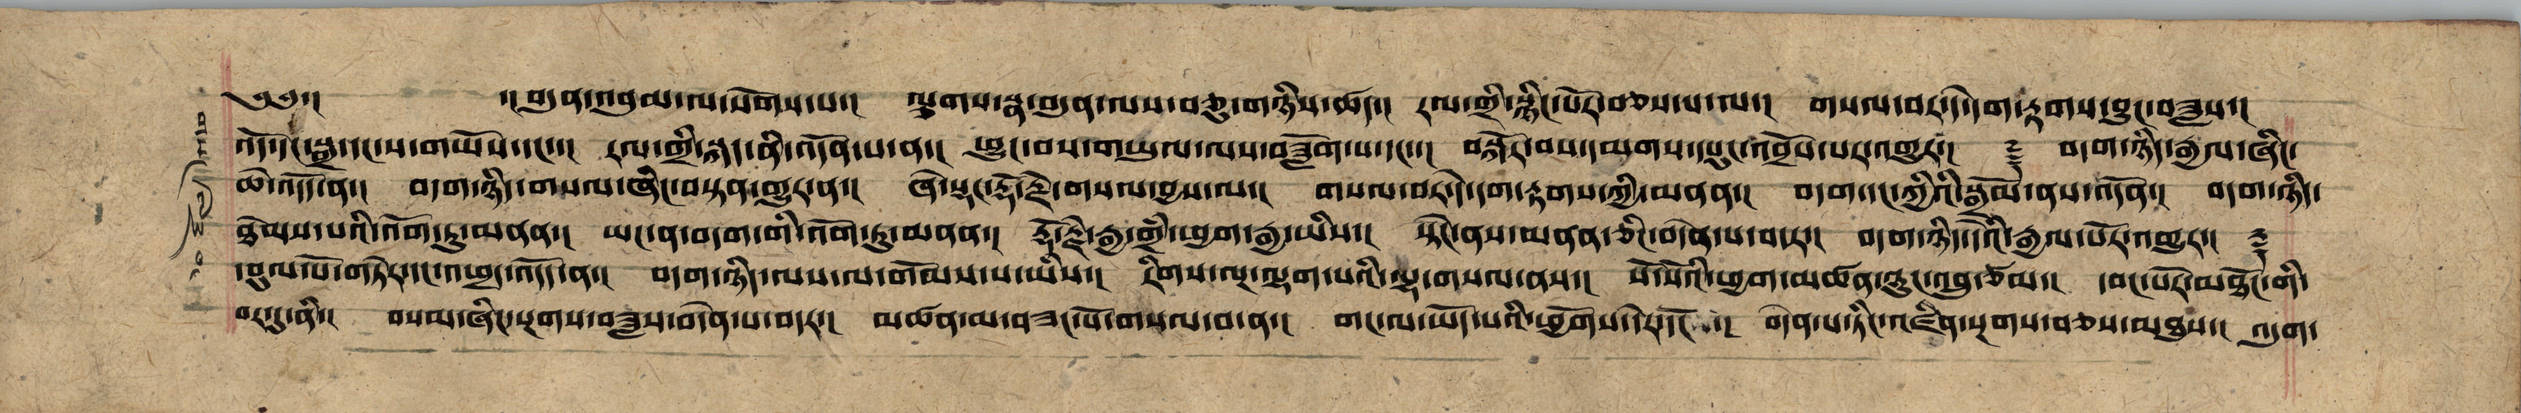༄༅་། ་།བདུན་འབུམ་ལ་སོགས་པ་། ལྕགས་སྣ་བདུན་ལས་བཅུ་གཉིས་ཚད་། རལ་གྲི་སྙིང་པོར་བཅས་པ་ལ་། གསལ་བར་དེ་དག་རྟགས་བྱུང་བཟླས་།
འོད་དང་སྒྲ་དང་ས་གཡོས་དང་་། རལ་གྲི་སྐད་ནི་འདོན་པ་ན་། ཕྱུང་བས་གཡུལ་ལས་བཟློག་པ་དང་་། བསྐོར་བས་དམག་དཔུང་འབྲོས་པར་འགྱུར་། ࿑ བདག་ཉིད་རྒྱལ་ཞིང་
ཆེ་འདོད་ན་། བདག་ཉིད་གསལ་ཞིང་བསྟན་གྱུར་ན་། ཞེ་སྡང་རྡོ་རྗེ་གསལ་བྱས་ལ་། གསལ་བར་དེ་དག་རྟགས་ཀྱི་མནན་། བདག་དང་ཀྱིའི་སྒྲོམ་ནས་འདོན་། བདག་ཉིད་
ཐེམས་པའི་འོག་ཏུ་མནན་། ཡང་ན་བདག་གི་འོག་ཏུ་མནན་། རྡོ་རྗེ་རྒྱ་གྲཾ་ཕྱག་རྒྱ་ཡིས་། སྟེང་ནས་མནན་ཅིང་བདེན་པ་བདར་། བདག་ཉིད་དེའི་རྒྱལ་པོར་གྱུར་། ࿑
དབུལ་པོ་གཏེར་དང་འཕྲད་འདོད་ན་། བདག་ཉིད་ལས་ལ་གོམས་པ་ཡིས་། རིགས་ལྔ་ལྷག་པའི་ལྷ་གསལ་ནས་། སོ་སོའི་ཕྱག་མཚན་ཉུང་འབྲུ་ཙམ་། དབང་པོར་མཐོང་གི་
བར་དུ་ནི་། བསམ་ཞིང་སྔགས་བཟླས་བདེན་པ་བདར་། མཚན་མ་བཟང་པོ་གསལ་བ་ན་། གང་ལ་ཡོད་པའི་ཕྱོགས་དེར་དོང ་། བདེན་པ་ཏིང་འཛིན་སྔགས་བཅས་མཐུས་། འདུག་